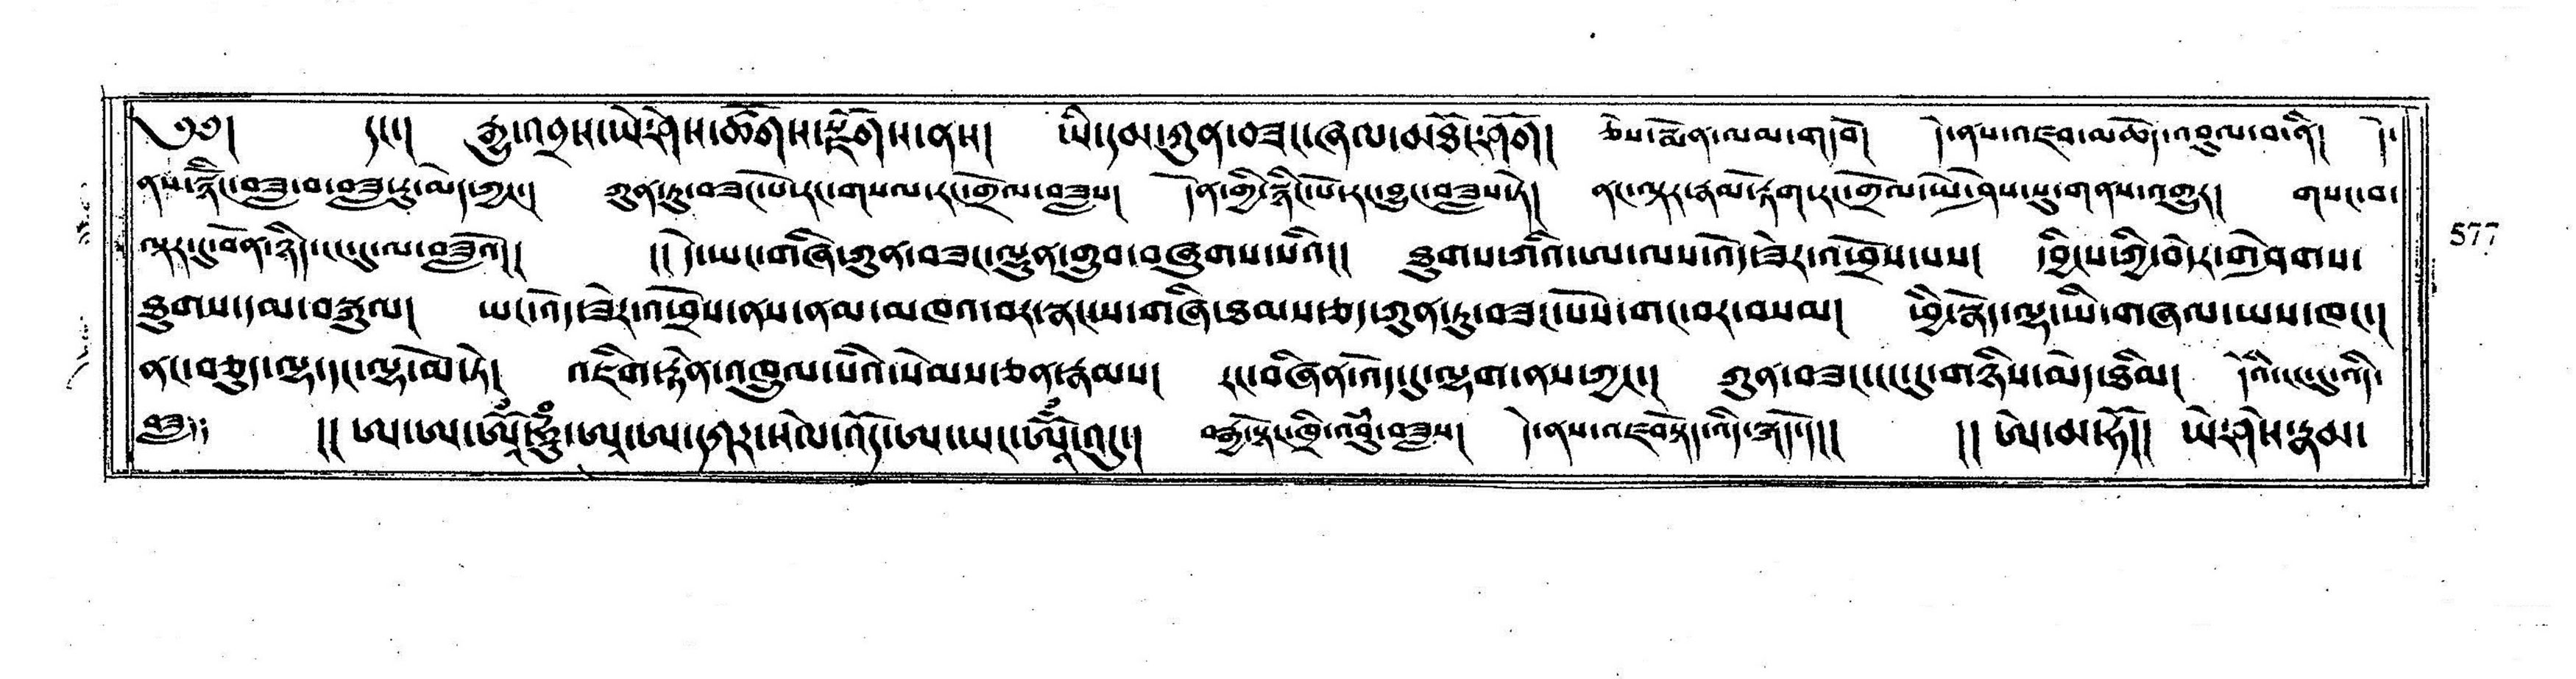དང་། རྒྱུ་འབྲས་ཡེ་ཤེས་ཚོགས་རྫོགས་ནས། ཡི་དམ་ཀུན་བཟང་ཞལ་མཐོང་ཤོག ཅེས་སྨོན་ལམ་གདབ་བོ། དེ་ནས་འཛབ་མཆོད་འབུལ་བ་ནི། དེ་
ནས་སྙིང་པོ་བཟླ་བ་བཟླ་རུ་མེད་ཀྱང་། ཀུན་ཏུ་བཟང་པོ་རང་གསལ་རང་གྲོལ་བཟླས། དོན་གྱི་སྙིང་པོ་རང་བྱུང་བཟླས་ཏེ། ནང་ལྟར་རྣམ་རྟོག་རང་གྲོལ་ཡེ་ཤེས་སུ་གནས་འགྱུར། གསང་བ་
ལྟར་དུ་བོན་ཉིད་ངང་དུ་ལ་བཟླའོ།། དེ་ཡང་གཞི་ཀུན་བཟང་ལྷུན་གྲུབ་བཞུགས་པའི།། ཐུགས་ཀའི་ཨ་ལས་འོད་ཟེར་འཕྲོས་པས། དབྱིངས་ཀྱི་བདེར་གཤེགས་
ཐུགས་དམ་བསྐུལ། ཡང་འོད་ཟེར་འཕྲོས་ནས་ནམ་མཁའ་བར་སྣང་ས་གཞི་ཐམས་ཅད་ཀུན་ཏུ་བཟང་པོས་གང་བར་བསམ། ཕྱི་སྣོད་ལྷ་ཡི་གཞལ་ཡས་ཁང་། 
ནང་བཅུད་ལྷ་དང་ལྷ་མོ་སྟེ། འཇིག་རྟེན་འཁྲུལ་པའི་སེམས་ཅན་རྣམས། རང་བཞིན་འོད་དུ་ལྷག་ནས་ཀྱང་། ཀུན་བཟང་ངང་དུ་གཉིས་མེད་ཐིམ། དེའི་ངང་དུ་འདི་
བཟླ། །།ཨ་ཨ་ཨཱོཾ་ཧཱུྃ་ཨཱ་ཨ་དཀར་སལེ་འོད་ཨ་ཡང་ཨཱོཾ་འདུ། བརྒྱ་སྟོང་ཁྲི་འབུམ་བཟླས། དེ་ནས་འཛབ་བསྟོད་འདི་སྐད་དོ།། །།ཨེ་མ་ཧོ།། ཡེ་ཤེས་རྣམ་